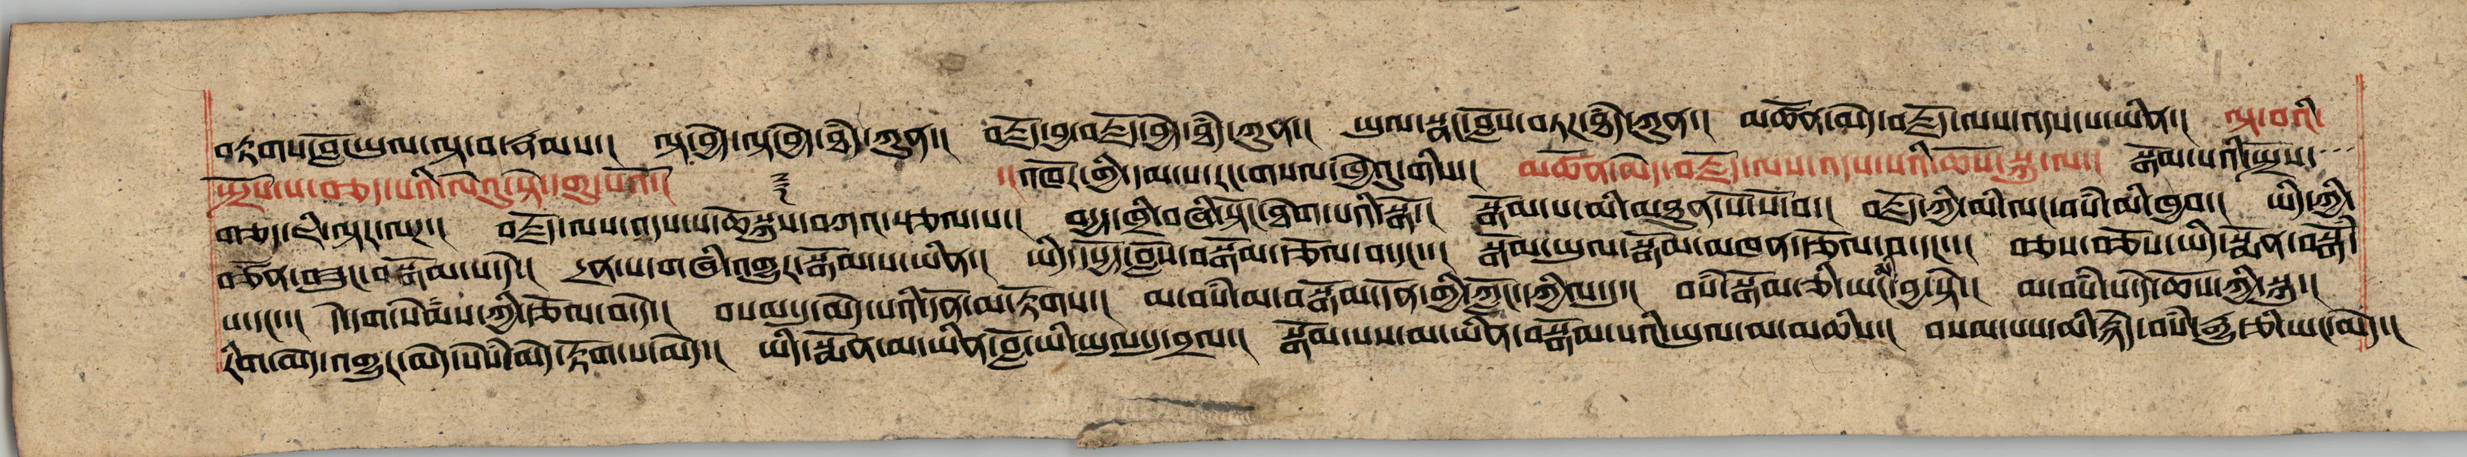བརྟགས་བློ་ཡུལ་ལྟ་བ་རྣམས་། ལྟ་བྱེད་ལྟ་བྱེད་ཐདཾ་ཀུན་། བརྗོད་བྱ་བརྗོད་བྱེད་ཐདཾ་ཀུན་། ཡུལ་སྣང་བློས་བཏཌ་ཐདཾ་ཀུན་། མཚོན་མེད་བརྗོད་ལས་འདས་པ་ཡིན་། ལྟ་བའི་
སྤྲོས་པ་བཅད་པའི་ལེའུ་སྟེ་དགུ་པའོ་། ༈ ་།འཁོར་གྱི་དམ་པ་རང་གསལ་ཁྱེའུ་གིས་། མཚོན་མེད་བརྗོད་ལས་འདས་པའི་ཆོས་སྐུ་ལ་། སྒོམ་པའི་སྤྲོས་
གཅད་ཇི་ལྟར་ལཌ་། བརྗོད་ལས་འདས་པ་ཆོསྐུས་བཀའ་སྩལ་པ་། བདྱད་ཁྲི་བཞི་སྟོང་ཐེག་པའི་སྒོ་། སྒོམ་པ་མི་མཐུན་སོ་སོ་བ་། བརྗོད་ཀྱི་མི་ལང་བསཾ་མི་ཁྱབ་། ཡིད་ཀྱི་
བཙོན་བཟུང་བསྒོམ་པ་དེ་། དྲན་པ་གཞི་འགྱུར་སྒོམ་པ་ཡིན་། ཡིད་དཔྱོད་བློས་བསྒོམ་རྩོལ་བ་དང་་། སྒོམ་ཡུལ་སྒོམ་མཁན་རྩོལ་བ་དང་་། བཅས་བཅོས་ཡིད་སྨོན་བསྒོཾ་
པ་དང་་། དེ་དག་སེམས་ཀྱི་རྩོལ་བ་དེ་། བསམ་དུ་མེད་པའི་དོན་མ་རྟོགས་། མ་བསཾ་་མ་བསྒོམ་དོན་གྱི་ཀློང་དཀྱིལ་དུ་། བསཾ་སྒོམ་ཅི་ཡང་བྱ་སྟེ་། མ་བསཾ་པ་དེ་ཆོས་ཀྱི་སྐུ་།
རིག་མེད་འགྱུར་མེད་སེསཾ་མེད་རྟོག་པ་མེད་། ཡིད་སྨོན་མ་ཡིན་བློ་ཡི་ཡུལ་དུ་བྲལ་། སྒོམ་པས་མ་ཡིན་བསྒོམ་པའི་ཡུལ་མ་མཆིས་། བསམ་པས་མི་རྙེད་བསཾ་རྒྱུ་ཅི་ཡང་མེད་།